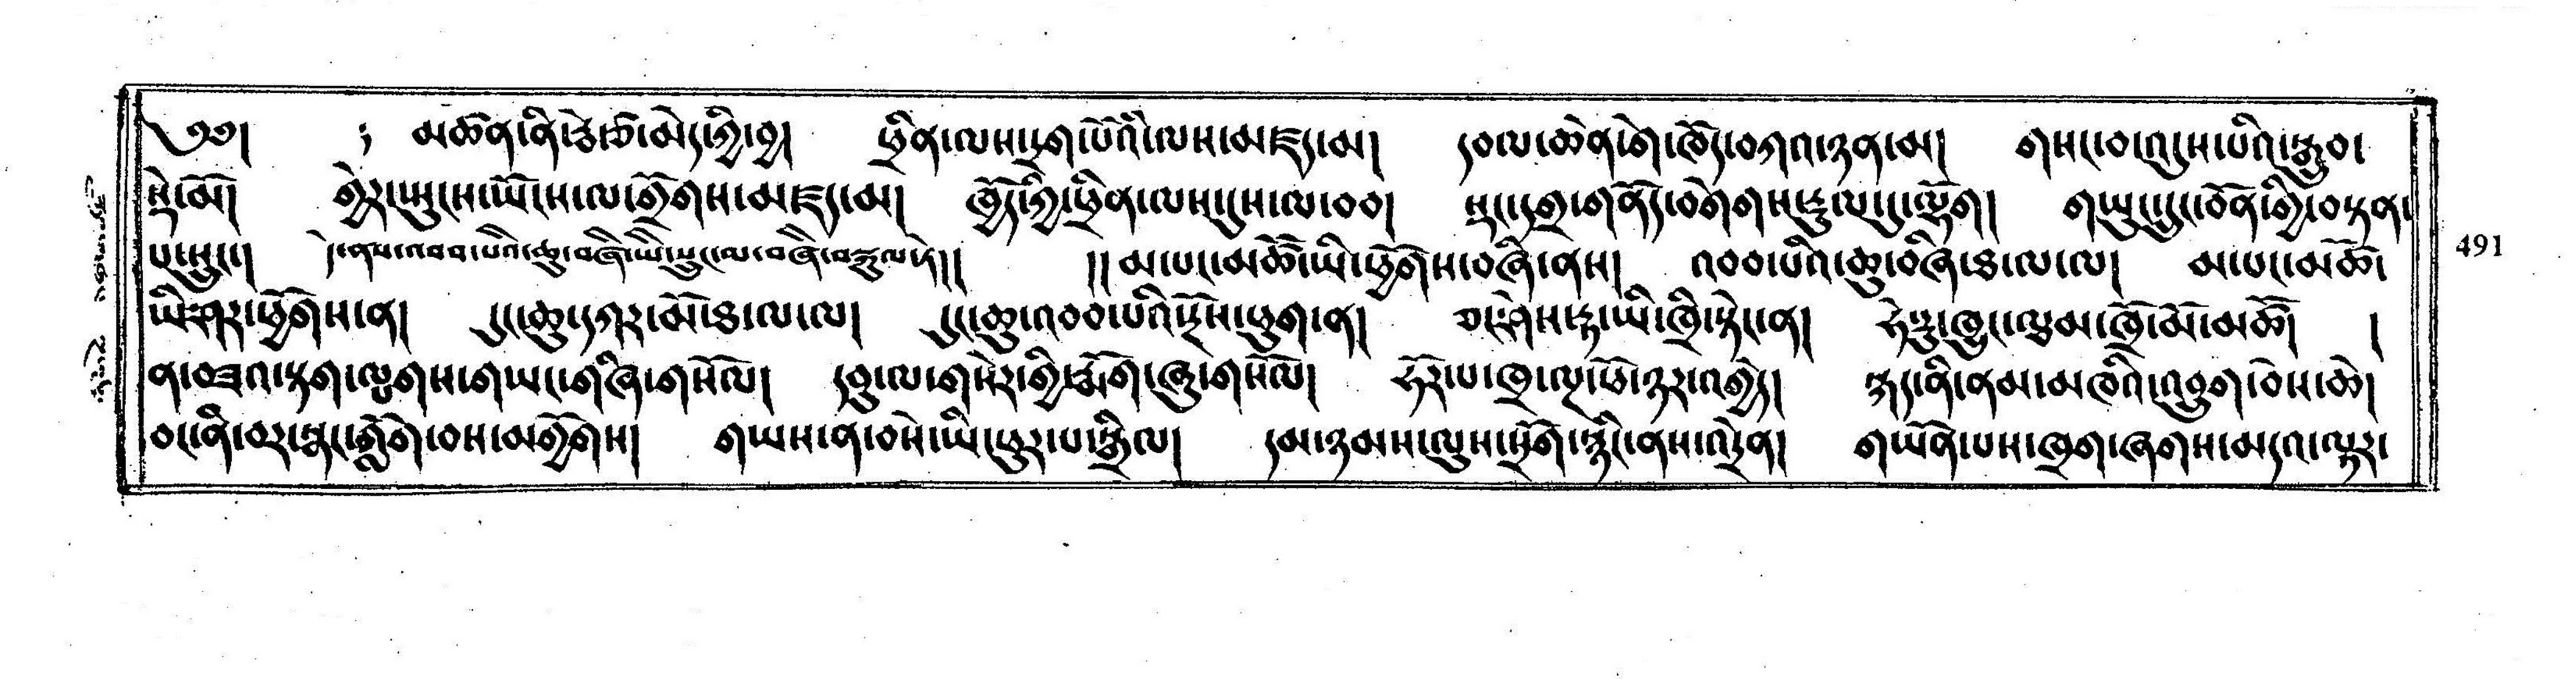མཚན་ནི་རྦེ་ཙ་མེད་ཀྱི་བྱ། ཕྲིན་ལས་དྲག་པོའི་ལས་མཛད་མ། དབལ་ཆེན་གེ་ཁོད་བཀའ་ཉན་མ། གསང་བ་འདུས་པའི་སྒྲུབ་
སྡེ་མོ། གྱེར་སྤུངས་ཡོངས་ལ་གྲོགས་མཛད་མ། ཁྱོད་ཀྱི་ཕྲིན་ལས་དུས་ལ་བབ། སྡང་དགྲ་གནོད་བགེགས་རྡུལ་དུ་ལྷོག གཡུང་དྲུང་བོན་གྱི་བསྟན་
པ་སྲུང་། དེ་ནས་འབབ་པའི་ཆུ་བཞི་ཡི་སྲུང་མ་བཞི་བསྐུལ་ཏེ།། །།མ་པང་མཚོ་ཡི་ཕྱོགས་བཞི་ནས། འབབ་པའི་ཆུ་བཞི་ཐ་ལ་ལ། མ་པང་མཚོ་
ཡི་ཤར་ཕྱོགས་ན། དུང་ཆུ་དཀར་མོ་ཐ་ལ་ལ། དུང་ཆུ་འབབ་པའི་རྔོས་ཐུག་ན། ཅང་ཤེས་རྟ་ཡི་ཁྲི་སྟེང་ན། {505}ཧེ་རུ་ཁྱུང་ལྕམ་ཁྲོ་མོ་མཚོ། 
ན་བཟའ་སྟག་ལྤགས་གཡང་གཞི་གསོལ། དབུ་ལ་གསེར་གྱི་རྨོག་ཞུ་གསོལ། ཧོར་པ་ཁྲ་ལྔ་ཕོ་ཉར་འགྱེད། སྐད་ནི་ནམ་མཁའི་འབྲུག་བེས་ཆེ། 
བང་ནི་བར་སྣང་གློག་བས་མགྱོགས། གཡས་ན་བསེ་ཡི་ཕུར་པ་སྒྲིལ། དམ་ཉམས་ལུས་སྲོག་སྙིང་ནས་འདྲེན། གཡོན་པས་ཁྲག་ཞགས་མདའ་ལྟར་